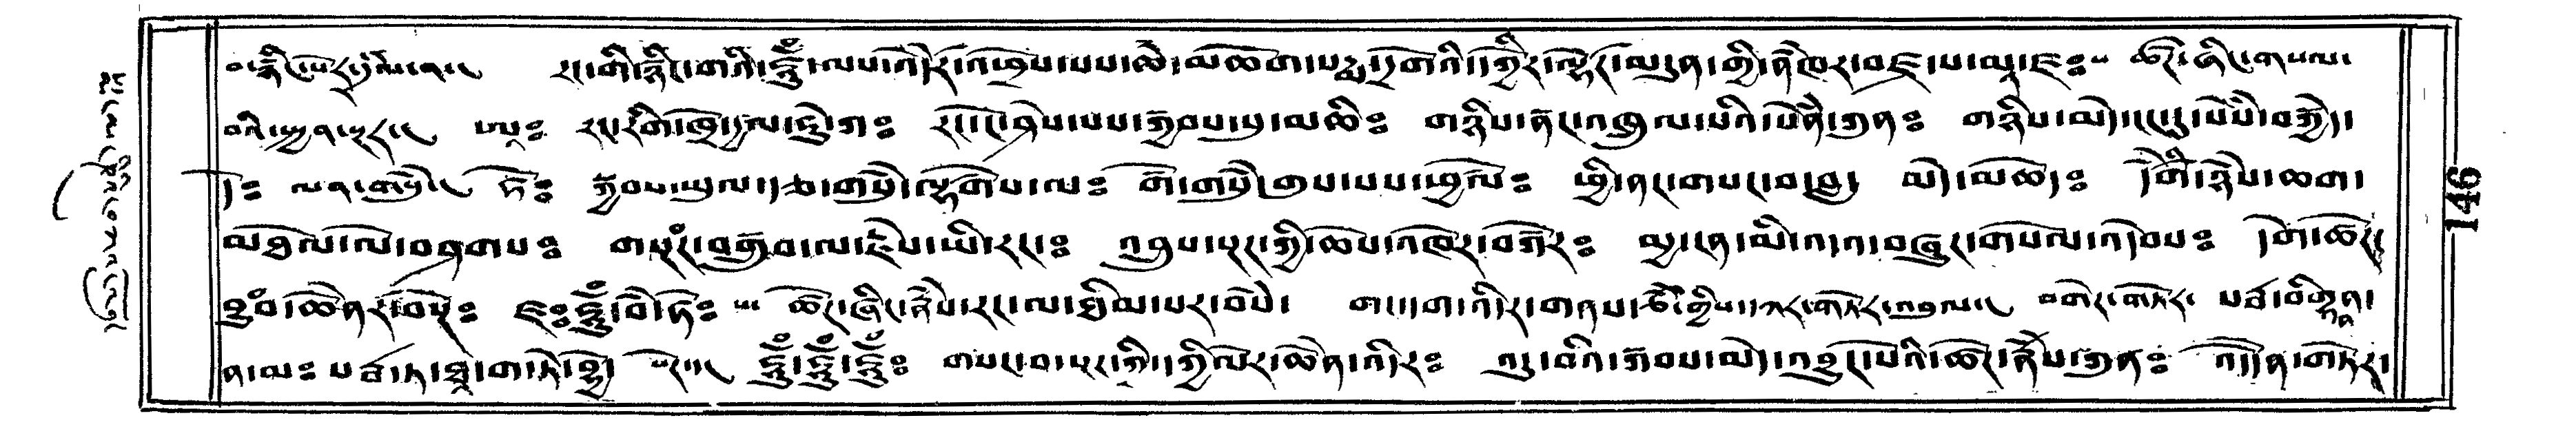སྙིང་པོར་དྲིལ་ན། རང་གི་སྙིང་གའི་ཧཱུྃ་ལས་འོད་ཟེར་འཕྲོས་པས་ཆེ་མཆོག་པདྨ་དྲག་པོའི་དཀྱིལ་འཁོར་ལྷ་ཚོགས་མདུན་གྱི་ནམ་མཁར་བཛྲ་པ་མཱ་ཛཿ ས་ཚོགས་ཞིང་གསལ་
བའི་སྤྱན་སྔར། ཨཱ༔ རང་རིག་ཁྲོ་རྒྱལ་ཧེ་རུ་ཀ༔ རང་ངོ་ཤེས་པས་སྐྱབས་སུ་མཆི༔ གཉིས་སྣང་འཁྲུལ་པའི་སེམས་ཅན་ཀུན༔ གཉིས་མེད་ངང་དུ་སེམས་བསྐྱེད་
དོ༔ ལན་གསུམ། ཧོ༔ སྐྱབས་ཡུལ་རྩ་གསུམ་ལྷ་ཚོགས་ལ༔ སྒོ་གསུམ་གུས་པས་ཕྱག་འཚལ་ལོ༔ ཕྱི་ནང་གསང་བ་བླ་མཻད་མཆོད༔ དམ་ཚིག་ཉམས་ཆག་
མཐོལ་ལོ་བཤགས༔ གསང་སྔགས་སྒྲུབ་ལ་རྗེས་ཡི་རང༔ འབྲས་བུ་སྔགས་ཀྱི་ཆོས་འཁོར་བསྐོར༔ མྱ་ངན་མི་འདའ་བཞུགས་གསོལ་འདེབས༔ དགེ་ཚོགས་
བྱང་ཆུབ་ཆེན་པོར་བསྔོ༔ ཛཿཧཱུྃ་བཾ་ཧོཿ ས། ཚོགས་ཞིང་རྣམས་རང་ལ་ཏིམ་པར་བསམ། གང་དག་འདིར་གནས་ཙམ་གྱིས་དཀར་གཏོར་འབུལ། བགེགས་གཏོར། སརྦ་བིགྷནྣ་
ན་མཿ སརྦ་ཏ་ཐཱ་ག་ཏེ་བྷྱོ་སོགས་དང་། ཧཱུྃ་ཧཱུྃ་ཧཱུྃ༔ གསང་བ་སྔགས་ཀྱི་དཀྱིལ་འཁོར་ཆེན་པོ་འདིར༔ འདུ་བའི་སྐབས་མེད་འབྱུང་པོའི་ཚོགས་རྣམས་ཀུན༔ འདོད་ཡོན་གཏོར་